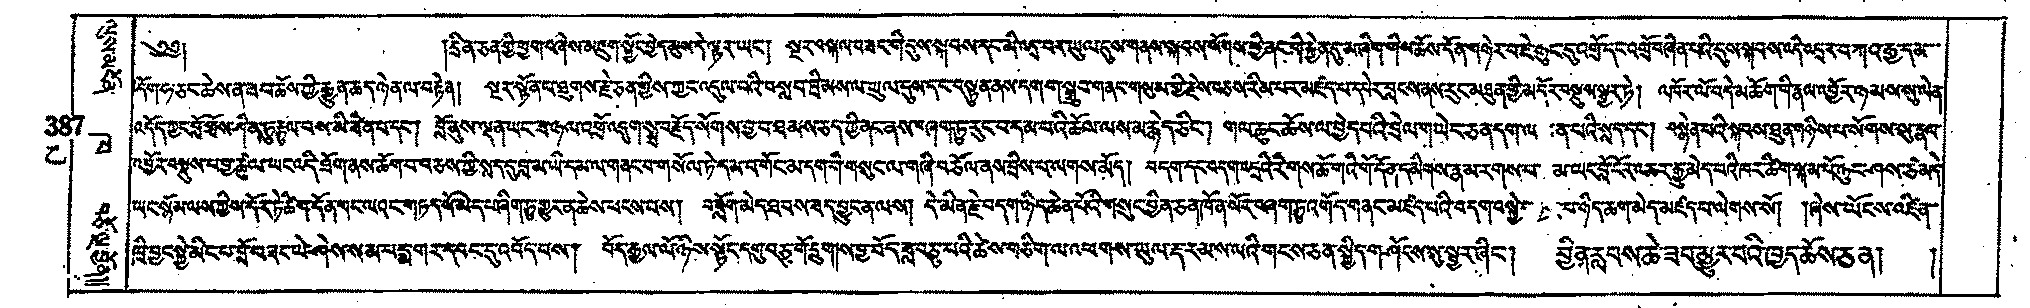༄༅། །དྲིན་ཅན་གྱི་ཕྱག་བཞེས་མཇུག་སྐྱོང་བྱེད་མུས་དེ་ལྟར་ཡང་། སྔར་བསྐལ་བཟང་གི་དུས་སྐབས་དང་མི་འདྲ་བར་ཡུལ་དུས་གནས་སྐབས་སོགས་ཕྱི་ནང་གི་རྐྱེན་དུ་མ་ཞིག་གིས་ཆོས་དོན་གཉེར་བ་ཇེ་ཉུང་དུ་འགྲོ་དང་འགྲོ་བཞིན་པའི་དུས་སྐབས་འདི་འདྲར་བཀའ་རྒྱ་དམ་་་
དོག་ཧ་ཅང་ཆེས་ན་ཟབ་ཆོས་ཀྱི་རྒྱུན་ཆད་ཉེན་ལ་བརྟེན། སྔར་སྟོན་པ་ཐུགས་རྗེ་ཅན་གྱིས་ཀྱང་འདུལ་བའི་བསླབ་ཁྲིམས་ལ་ཡུལ་དུས་དང་བསྟུན་ནས་དགག་སྒྲུབ་གནང་གསུམ་གྱི་རྗེས་བཅས་རིམ་པར་མཛད་པ་དཔེར་བླངས་ནས་རུང་མཐུན་གྱི་མདོར་བསྡུས་སྦྱར་ཏེ། འཁོར་ལོ་བདེ་མཆོག་གི་རྣལ་འབྱོར་ཉམས་སུ་ལེན་
འདོད་ཀྱང་བློ་གྲོས་ཤིན་ཏུ་རྟུལ་བས་མི་ཟིན་པ་དང་། བློ་ནུས་ལྡན་ཡང་ཟ་ཉལ་འགྲོ་འདུག་སྨྲ་བརྗོད་སོགས་བྱ་བ་ཐམས་ཅད་ཀྱི་ནང་ནས་བཞག་ཏུ་རུང་བ་དམ་པའི་ཆོས་ལས་མ་རྙེད་ཅིང་། གལ་ཆུང་ཆོས་ལ་བྱེད་པའི་བྲེལ་གཡེང་ཅན་དག་ལ་ལན་པའི་སླད་དང་། བསྙེན་པའི་སྐབས་ཐུན་གཉིས་པ་སོགས་སུ་རྣལ་
འབྱོར་བསྡུས་པ་བྱ་ཚུལ་ཡང་འདི་ཐོག་ནས་ཆོག་པ་བཅས་ཀྱི་སླད་དུ་བླ་མ་ཡི་དམ་ལ་གནང་བ་གསོལ་ཏེ་དམ་པ་གོང་མ་དག་གི་གསུང་ལ་གཞི་བཅོལ་ནས་བྲིས་པ་ལགས་མོད། བདག་དང་བདག་འདྲའི་རིགས་ཆོ་གའི་གོ་དོན་དམིགས་རྣམ་རགས་པ་མ་ཡང་བློ་ངོར་འཆར་རྒྱུ་མེད་པའི་ཁར་ཚིག་སྐམ་པོ་ཉུང་ཤས་ཙམ་དེ་
ཡང་སྙོམ་ལས་ཀྱིས་དོར་ཏེ་ཚིག་དོན་གང་ལའང་གཏད་སོ་མེད་པ་ཞིག་ཏུ་གྱུར་ན་ཆེས་ཕངས་པས། བཟློག་མེད་ཐབས་ཟད་བྱུང་ན་ལས། དེ་མིན་རྗེ་བདག་ཉིད་ཆེན་པོའི་གསུང་བྱིན་ཅན་ཁོ་ན་སོར་བཞག་ཏུ་འགོད་གནང་མཛད་པའི་བདག་བསྐྱེད་པ་ཉིད་ཆག་མེད་མཛད་པ་ལེགས་སོ། །ཞེས་ཡོངས་འཛིན་་་
ཁྲི་བྱང་སྐྱེ་མིང་པ་བློ་བཟང་ཡེ་ཤེས་སམ་པདམ་གར་དབང་དུ་འབོད་པས། བོད་རྒྱལ་ལོ་ཉིས་སྟོང་དགུ་བཅུ་གོ་དྲུག། ས་བྱ་བོད་ཟླ་བཅུ་པའི་ཚེས་གཅིག་ལ་འཕགས་ཡུལ་རྡ་རམས་ལའི་གངས་ཅན་སྐྱིད་གཤོངས་སུ་སྦྱར་ཞིང་། བྱིན་རླབས་ཆེ་ཟབ་མྱུར་བའི་ཁྱད་ཆོས་ཅན། །